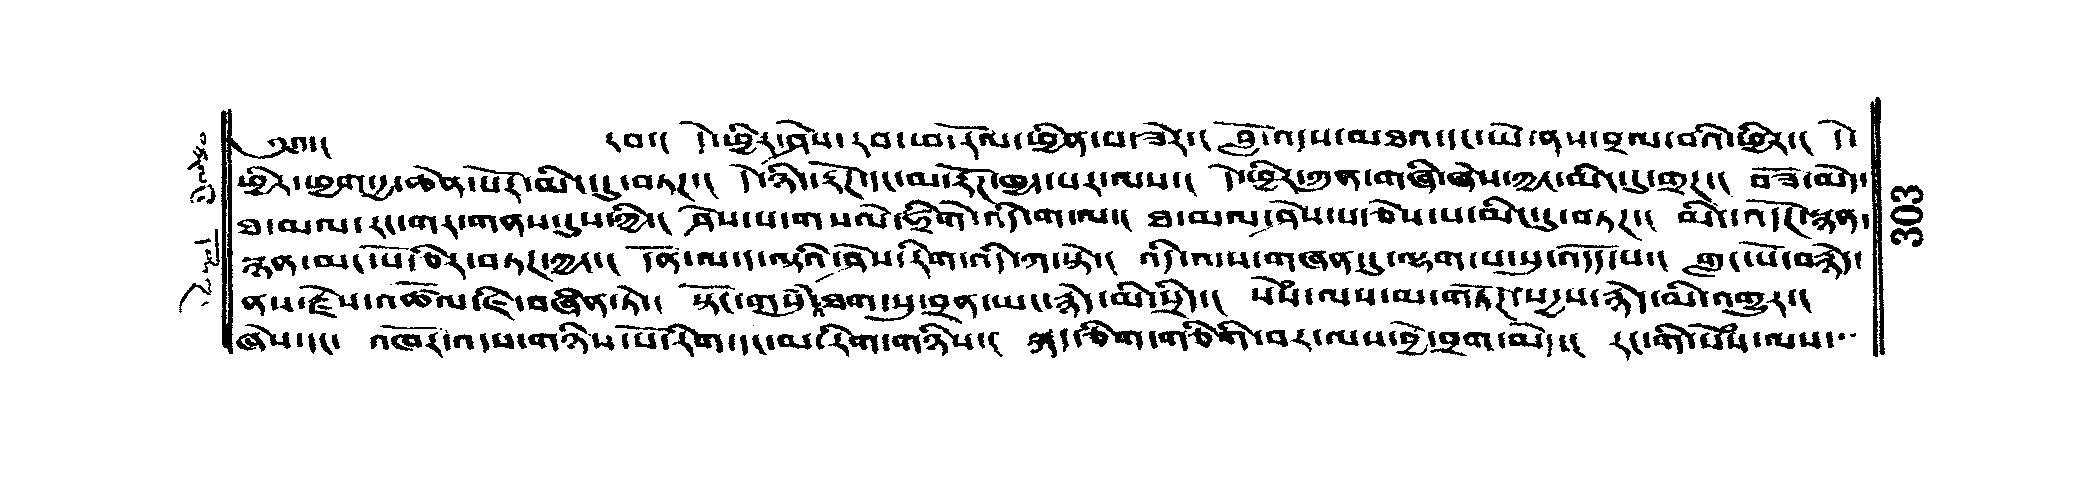རབ། །དེ་ཕྱིར་ཤེས་རབ་ཕ་རོལ་ཕྱིན་པ་ཟེར། །བློ་འདས་མཐའ་དང་ཡེ་ནས་བྲལ་བའི་ཕྱིར། །དེ་
ཕྱིར་ཕྱག་རྒྱ་ཆེན་པོར་མིང་དུ་བཏགས། །དེ་ཉིད་རྟོགས་དང་མ་རྟོགས་ཁྱད་པར་ལས། །དེ་ཕྱིར་ཀུན་གཞི་ཞེས་ཀྱང་མིང་དུ་གྲགས། །བཟོ་མེད་
ཐ་མལ་རང་གར་གནས་དུས་ཀྱི། །ཤེས་པ་གསལ་ལེ་ཧྲིག་གེ་འདི་ག་ལ། །ཐ་མལ་ཤེས་པ་ཞེས་པ་མིང་དུ་བཏགས། །མིང་འདོགས་སྙན་
སྙན་མང་པོ་ཅིར་བཏགས་ཀྱང་། །དོན་ལ་ད་ལྟའི་ཤེས་རིག་འདི་ཀ་སྟེ། །འདི་ལས་གཞན་དུ་ལྷག་པ་སུ་འདོད་པ། །གླང་པོ་བརྙེད་
ནས་རྗེས་འཚོལ་ཇི་བཞིན་ཏེ། །སྟོང་གསུམ་འཐགས་སུ་བྲན་ཡང་རྙེད་མི་སྲིད། །སེམས་ལས་མ་གཏོགས་སངས་རྒྱས་རྙེད་མི་འགྱུར། 
ཞེས་དང་། འཁོར་འདས་གཉིས་པོ་རིག་དང་མ་རིག་གཉིས། །སྐད་ཅིག་གཅིག་གི་བར་ལས་བྱེ་བྲག་མེད། །རང་གི་སེམས་ལས་